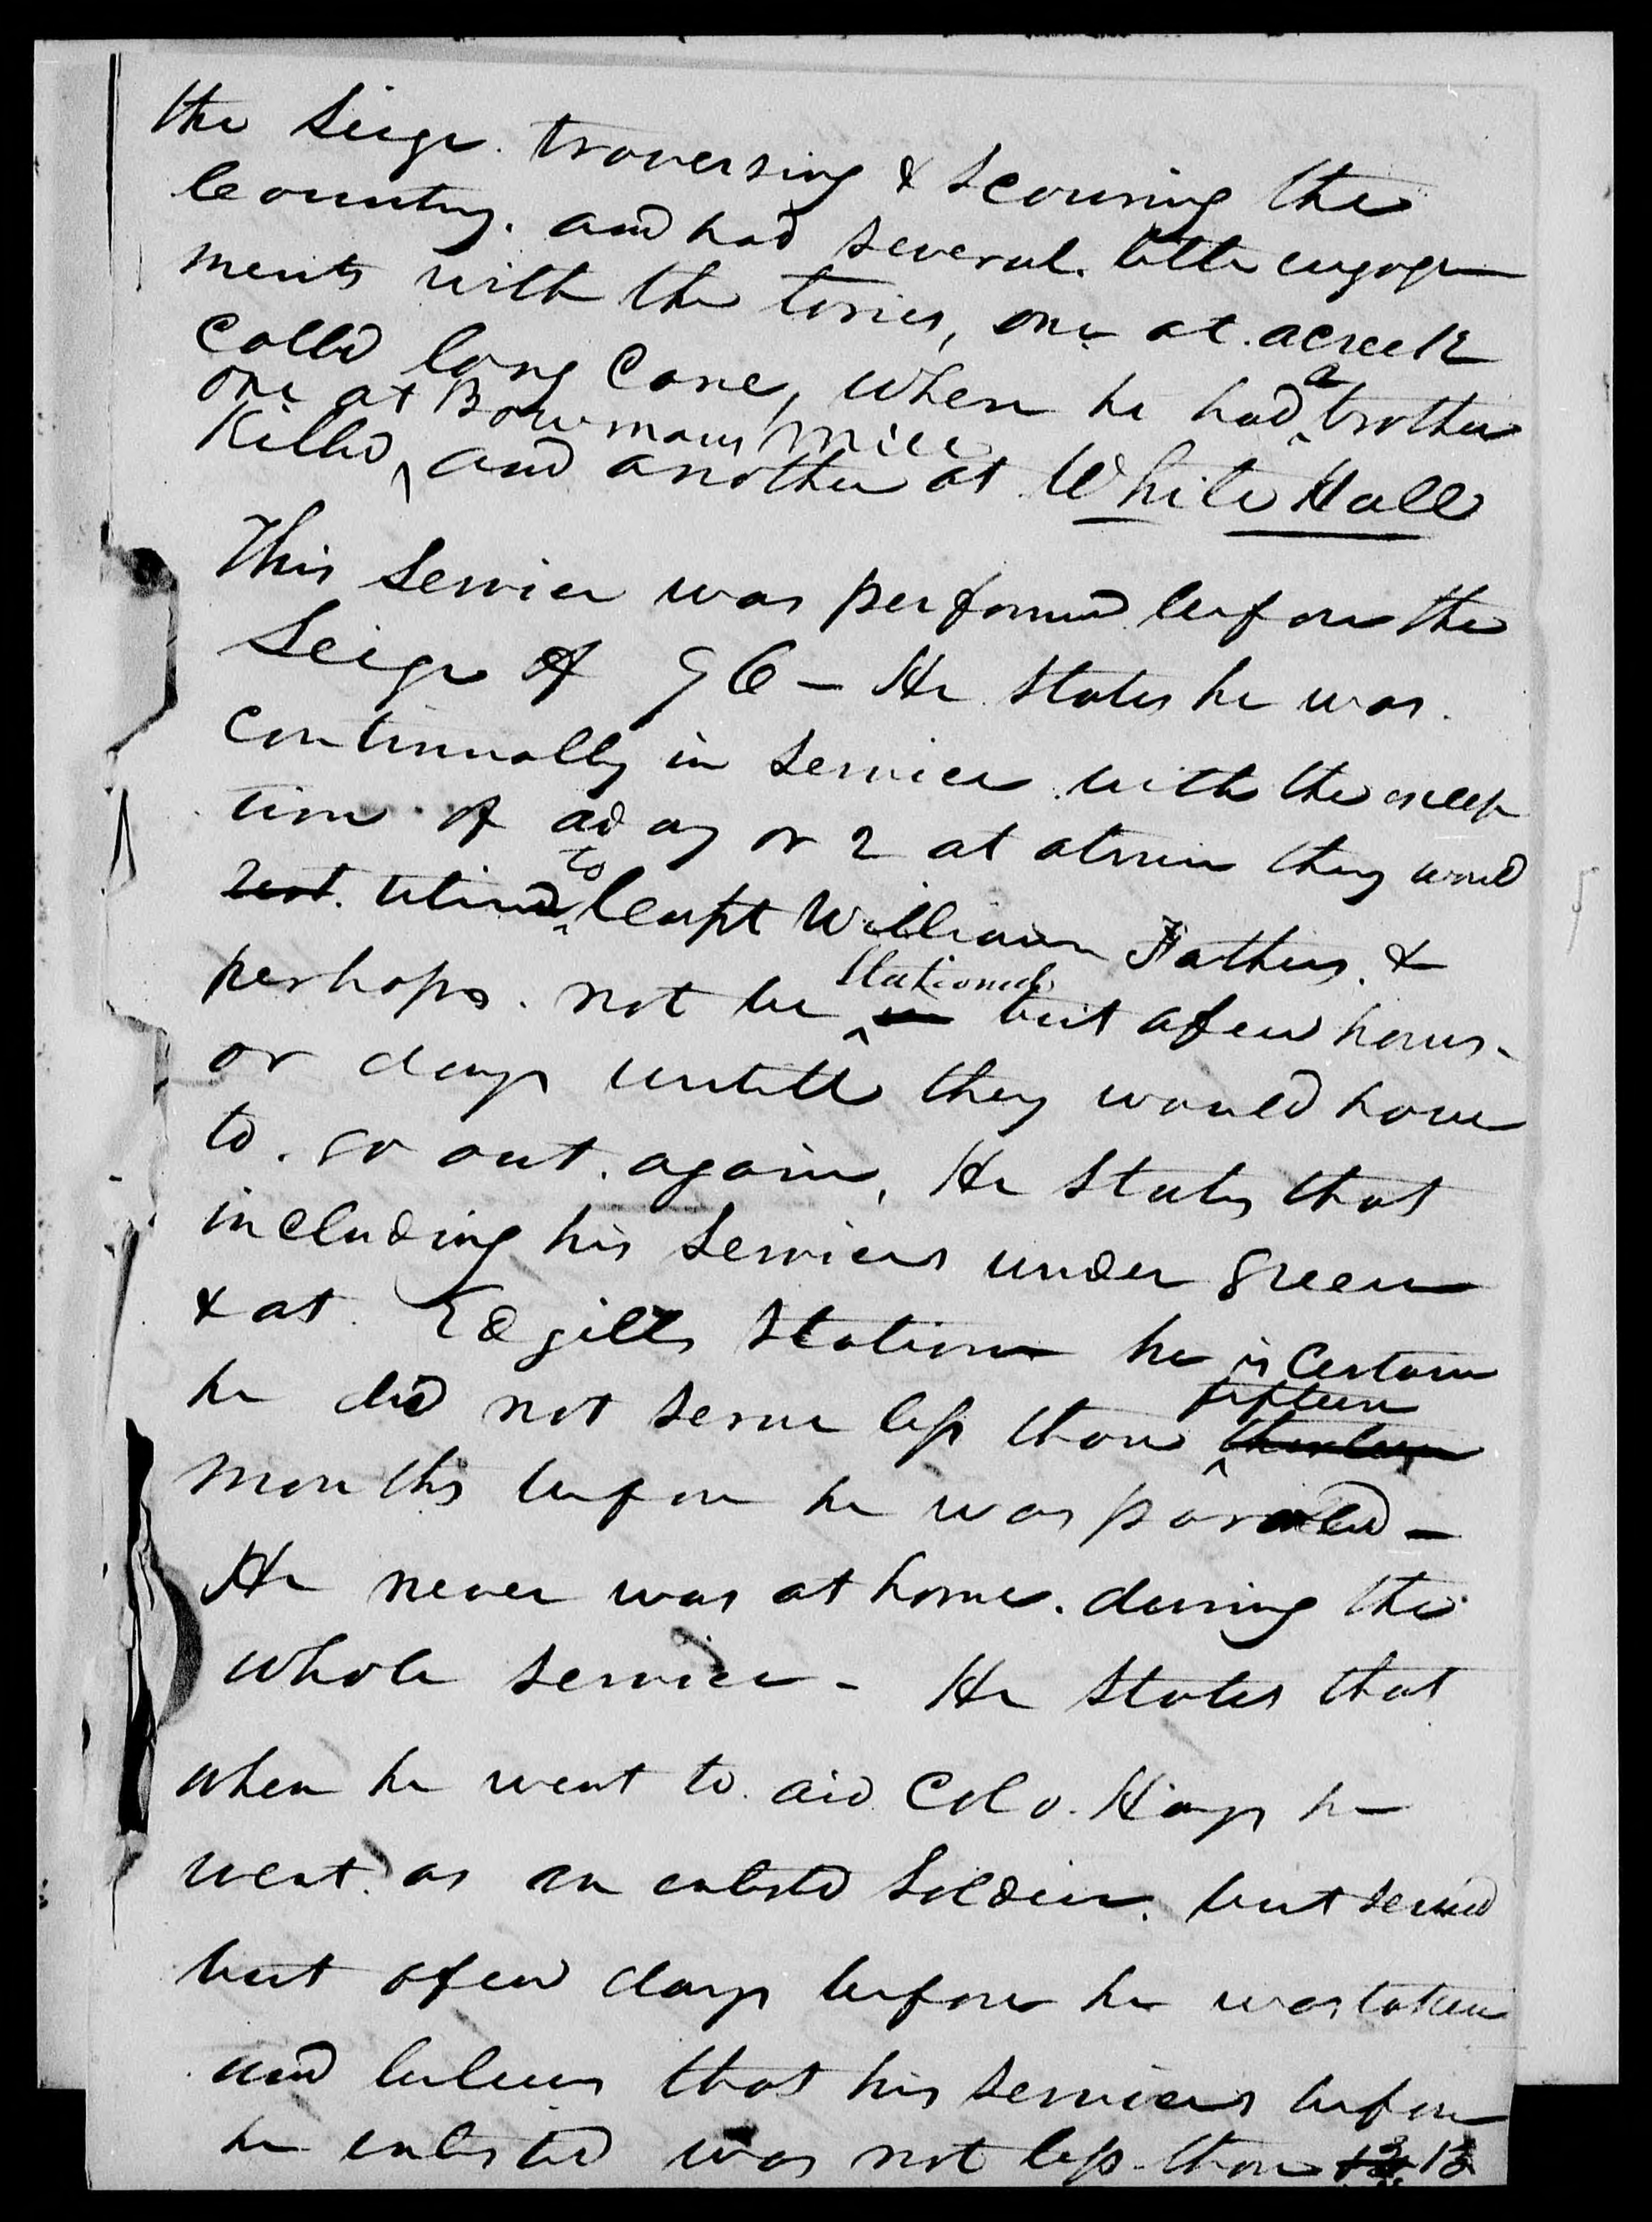the Siege traversing & Scouring the country and had several little engagements with the  Tories; one at a creek called Long Cane, where he had a brother killed, one at Bowman's Mill and another at White Hall. This service was performed before the Siege of Ninety Six —he states he was continually in service with the exception of a day or two at a time. They would retire to Capt. Williams'
Father's [Col. James Williams] & perhaps not be stationed but a few hours or days until they would have to go out again.
He states that including his services under [Gen Nathanael] Greene & at Edgehill Station he is certain he did not serve less than fifteen months before he was paroled. He never was at home during the whole service.
He states that when he went to aid Col. [Joseph] Hayes he went as an enlisted soldier but served
but a few days before he was taken and believes that his services before he enlisted was not less
than 13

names: [BLANK] Green; [BLANK] Williams; [BLANK] Hay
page: 6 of 43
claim: rejected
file: R. 8217, for Thomas Philpot, South Carolina